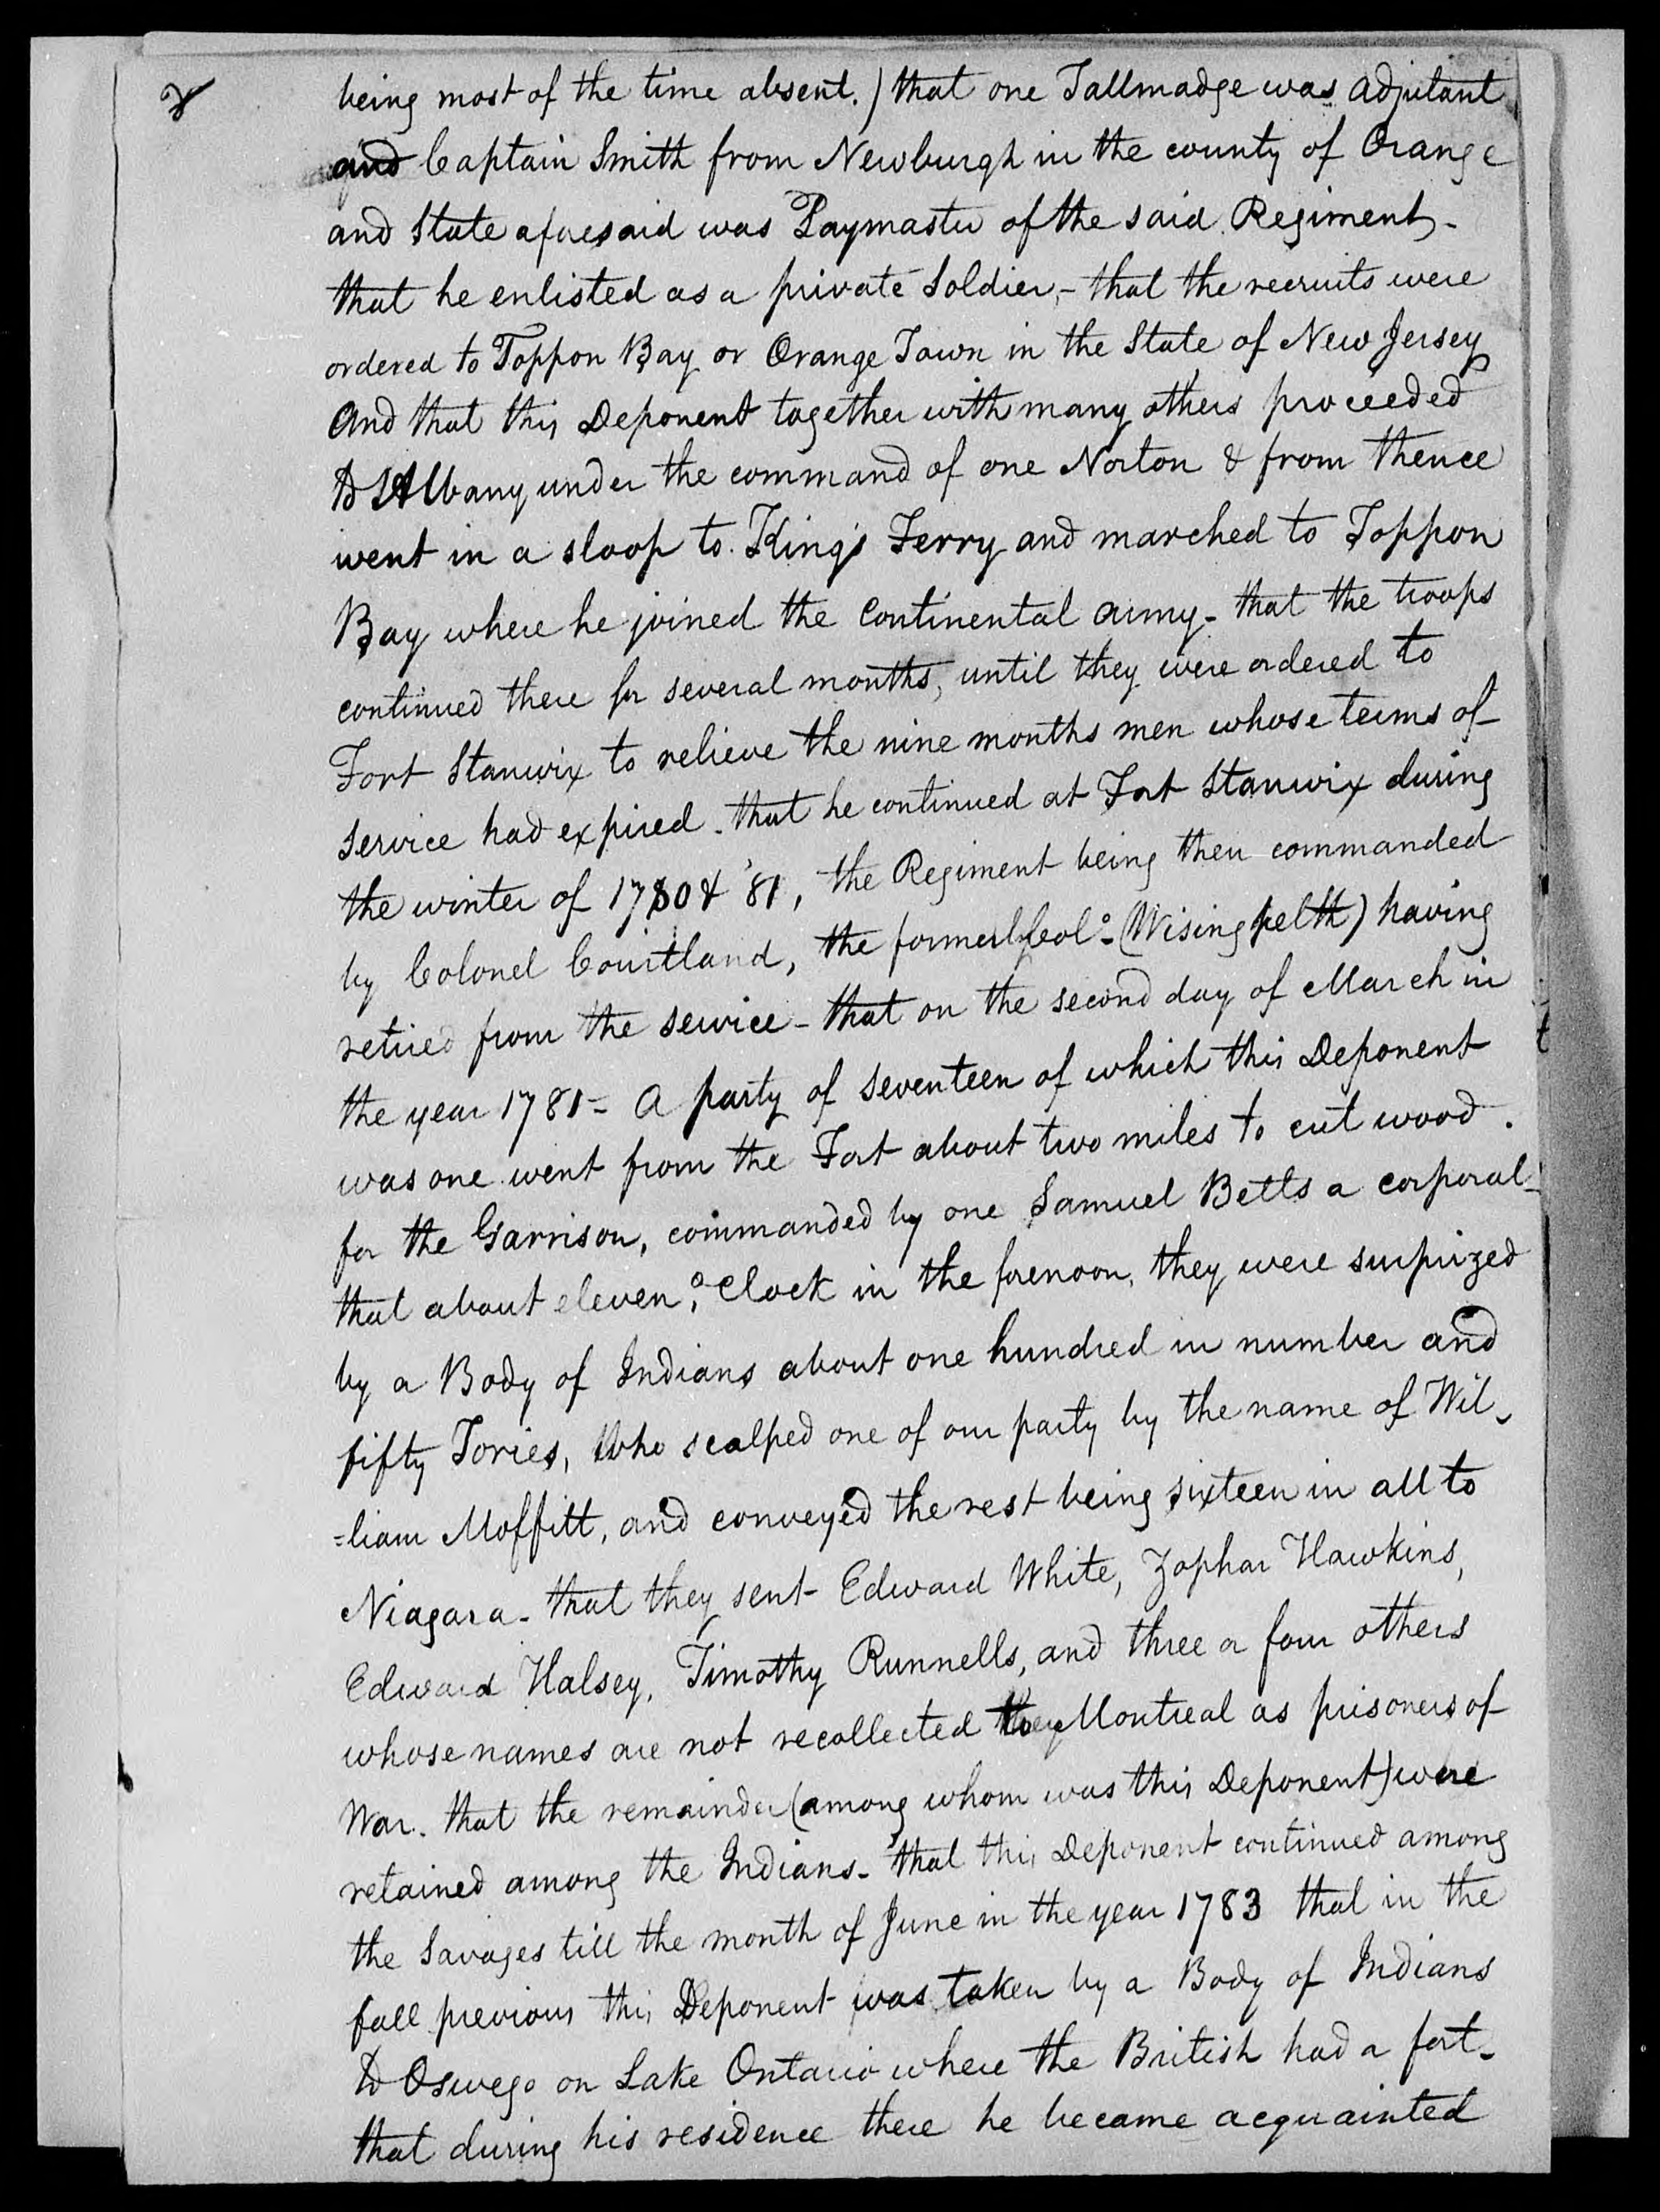2
being most of the time absent.) that one Tallmadge was adjutant
and Captain Smith from Newburgh in the County of Orange
and State aforesaid was Paymaster of the said Regiment. 
that he enlisted as a private soldier, that the recruits were
ordered to Toppon Bay or Orange Town in the State of New Jersey
and that this Deponent together with many others proceeded
to Albany under the command of one Norton & from thence
went in a sloop to King's ferry and marched to Toppon
Bay where he joined the Continental army - that the troops
continued there for several months, until they were ordered to
Fort Stanwix to relieve the nine months men whose terms of
service had expired, that he continued at Fort Stanwix during the
winter of 1780 & '81, the Regiment being then commanded
by Colonel Courtland, the formerly Col. (Wisingpelth) having
retired from the service- that on the second day of March in
the year 1781- a party of seventeen of which this Deponent
was one went from the Fort about two miles to cut wood
for the Garrison, commanded by one Samuel Betts a corporal
that about eleven o'Clock in the forenoon, they were surprized
by a Body of Indians about one hundred in number and
fifty Tories, Who scalped one of our party by the name of 
William Moffitt, and conveyed the rest being sixteen in all to
Niagara.  that they sent Edward White, Zopher Hawkins, 
Edward Halsey, Timothy Runnells, and three or four others
whose names are not recollected to Montreal as prisoners of
War.   that the remainder (among whom was this deponent) were
retained among the Indians - that this Deponent continued among
the Savages till the month of June in the year 1783 that in the
fall previous this Deponent was taken by a Body of Indians
to Oswego on Lake Ontario where the British had a fort.
that during his residence there he became acquainted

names: [BLANK] Courtland; Edward White; Samuel Betts; Timothy Runnells; [BLANK] Smith; [BLANK] Wisingpelth; [BLANK] Norton; Edward Halsey; Zaphar Hawkins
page: 19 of 40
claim: widow's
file: W. 24364, for David Ogden, New York